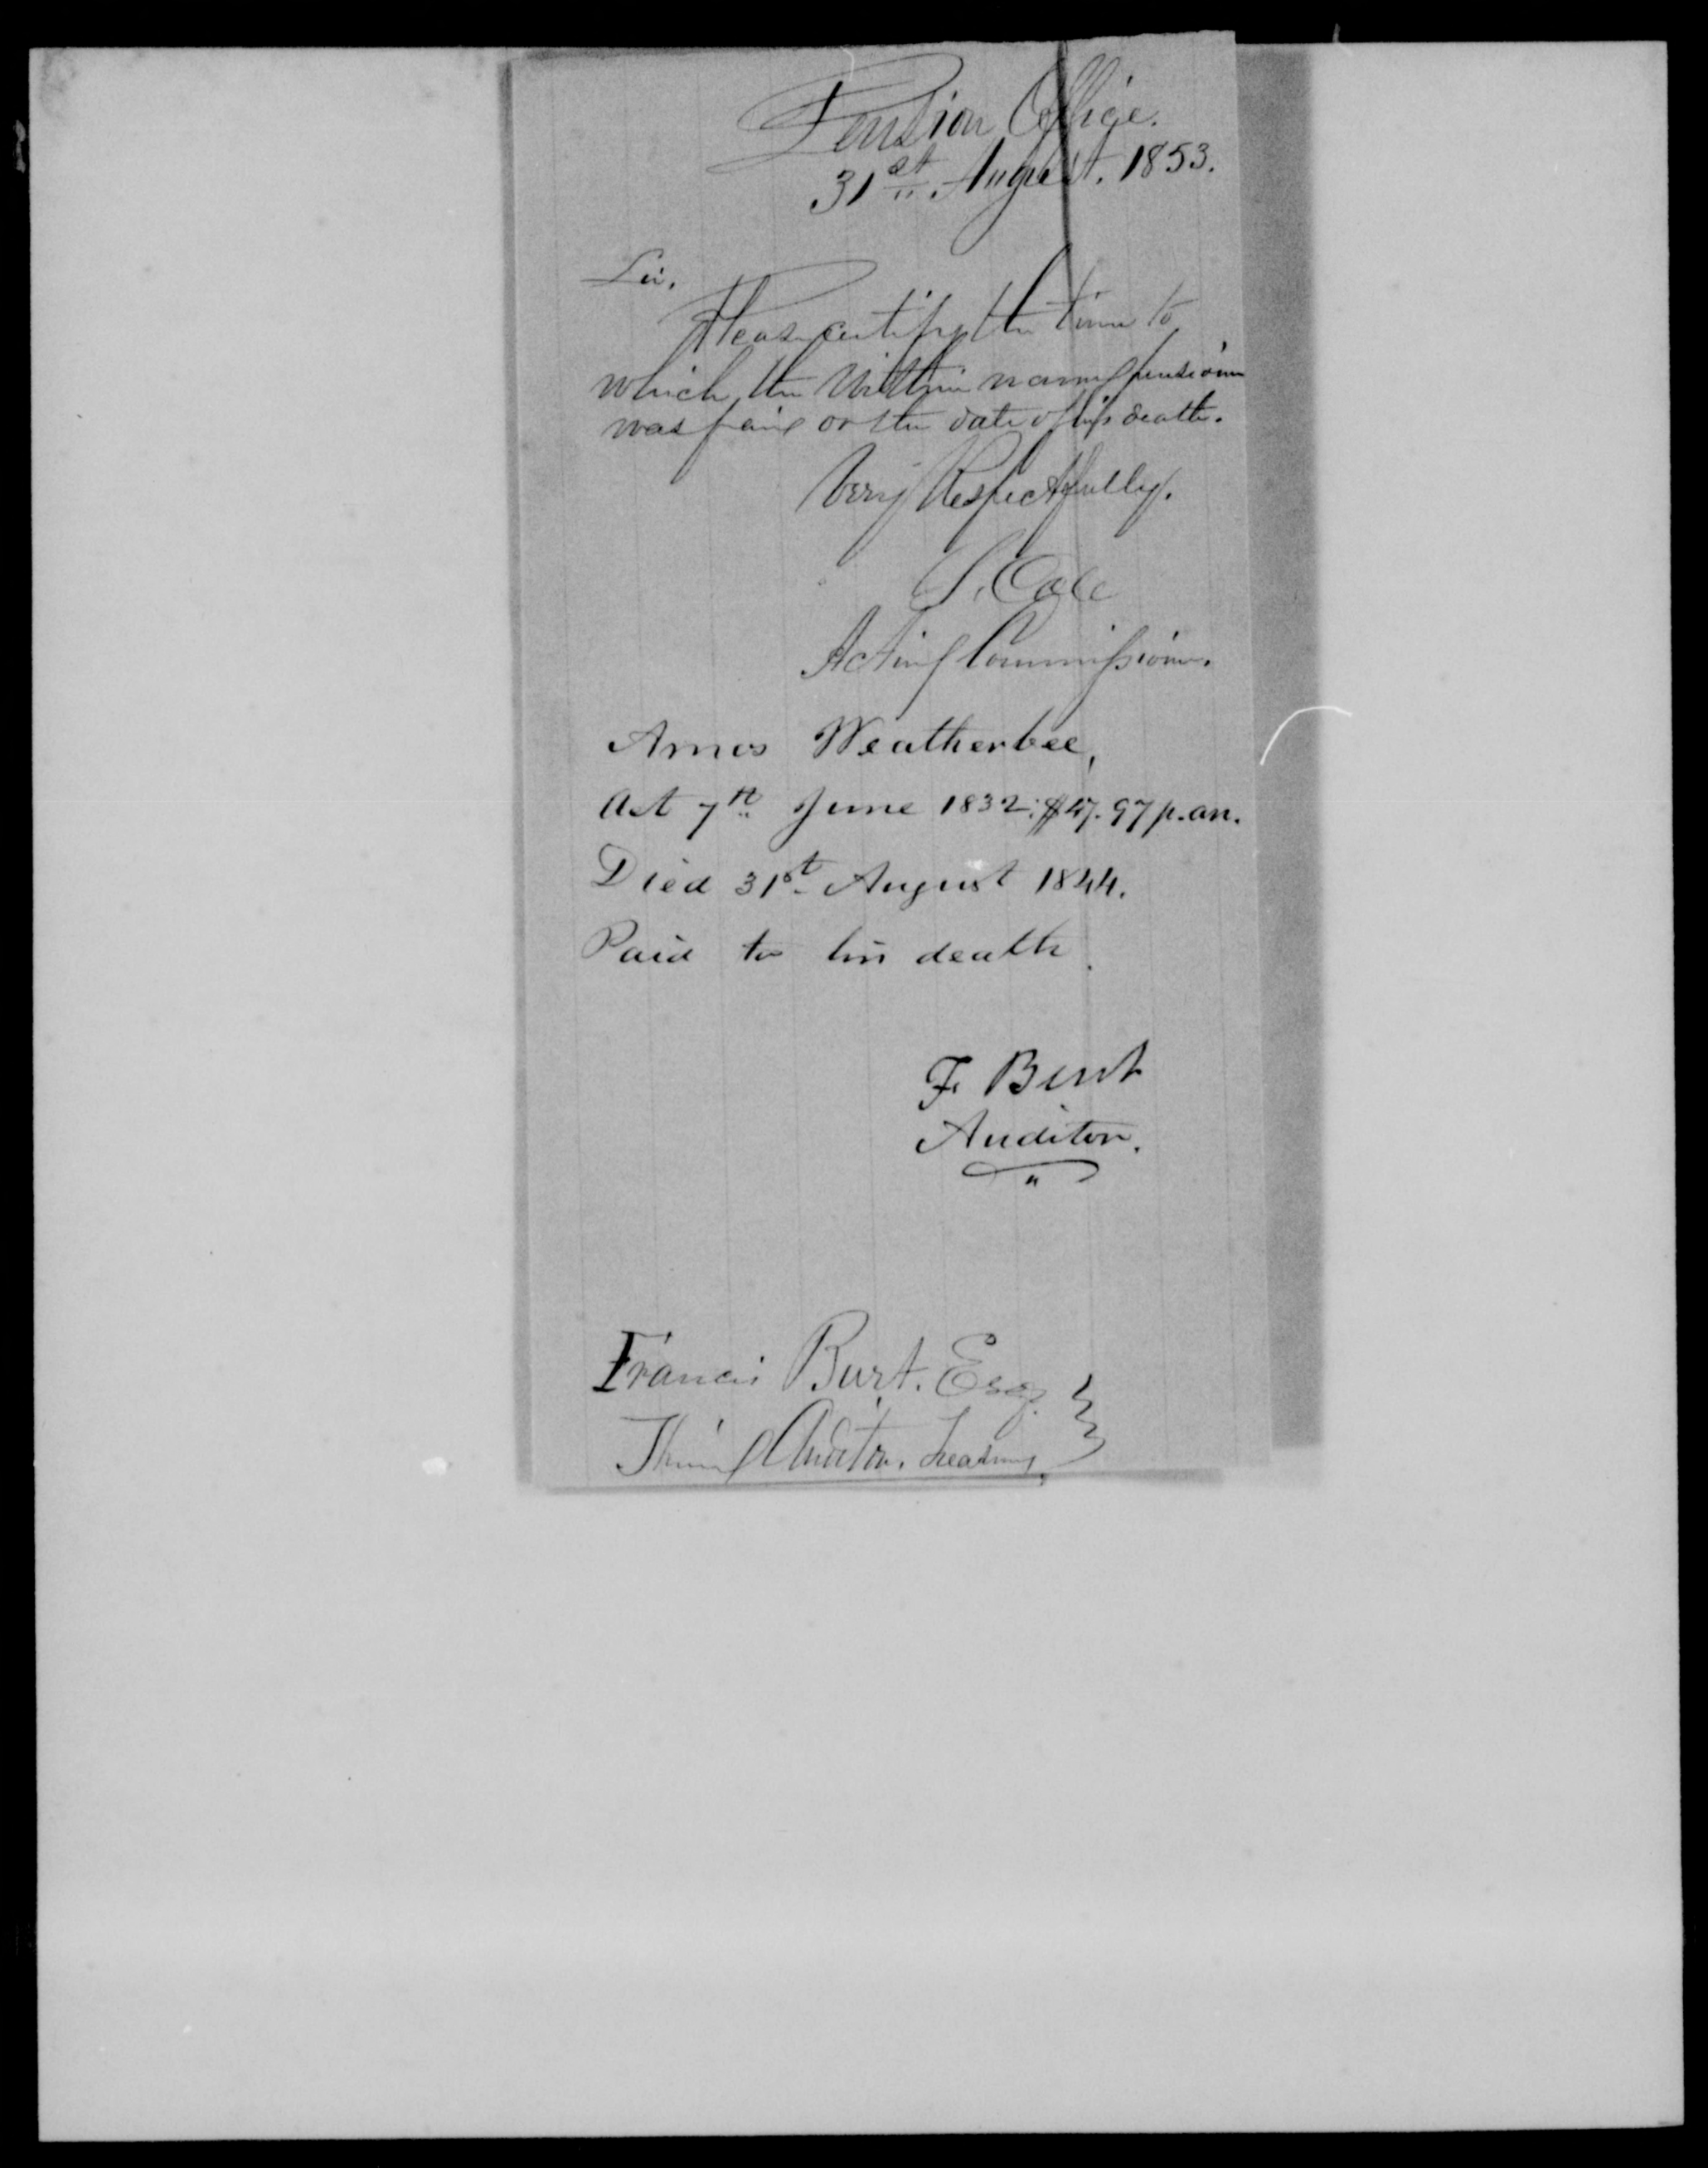Pension Office
31st August 1853

Sir 
Please certify the time to which the within named pensioner was paid or the date of his death.
Very Respectfully
S. Cole
Acting Commissioner

Amos Weatherbee
Act 7th June 1832 $47.97 p.an.
Died 31st August 1844
Paid to his death
F. Burt
Auditor

Francis Burt Esq
(illegible) Auditor,(illegible)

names: S Cole, Amos Weatherbee, F Burt, Francis Burt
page: 53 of 66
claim: widow's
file: W. 2468, Amos Wetherbee, Mass.